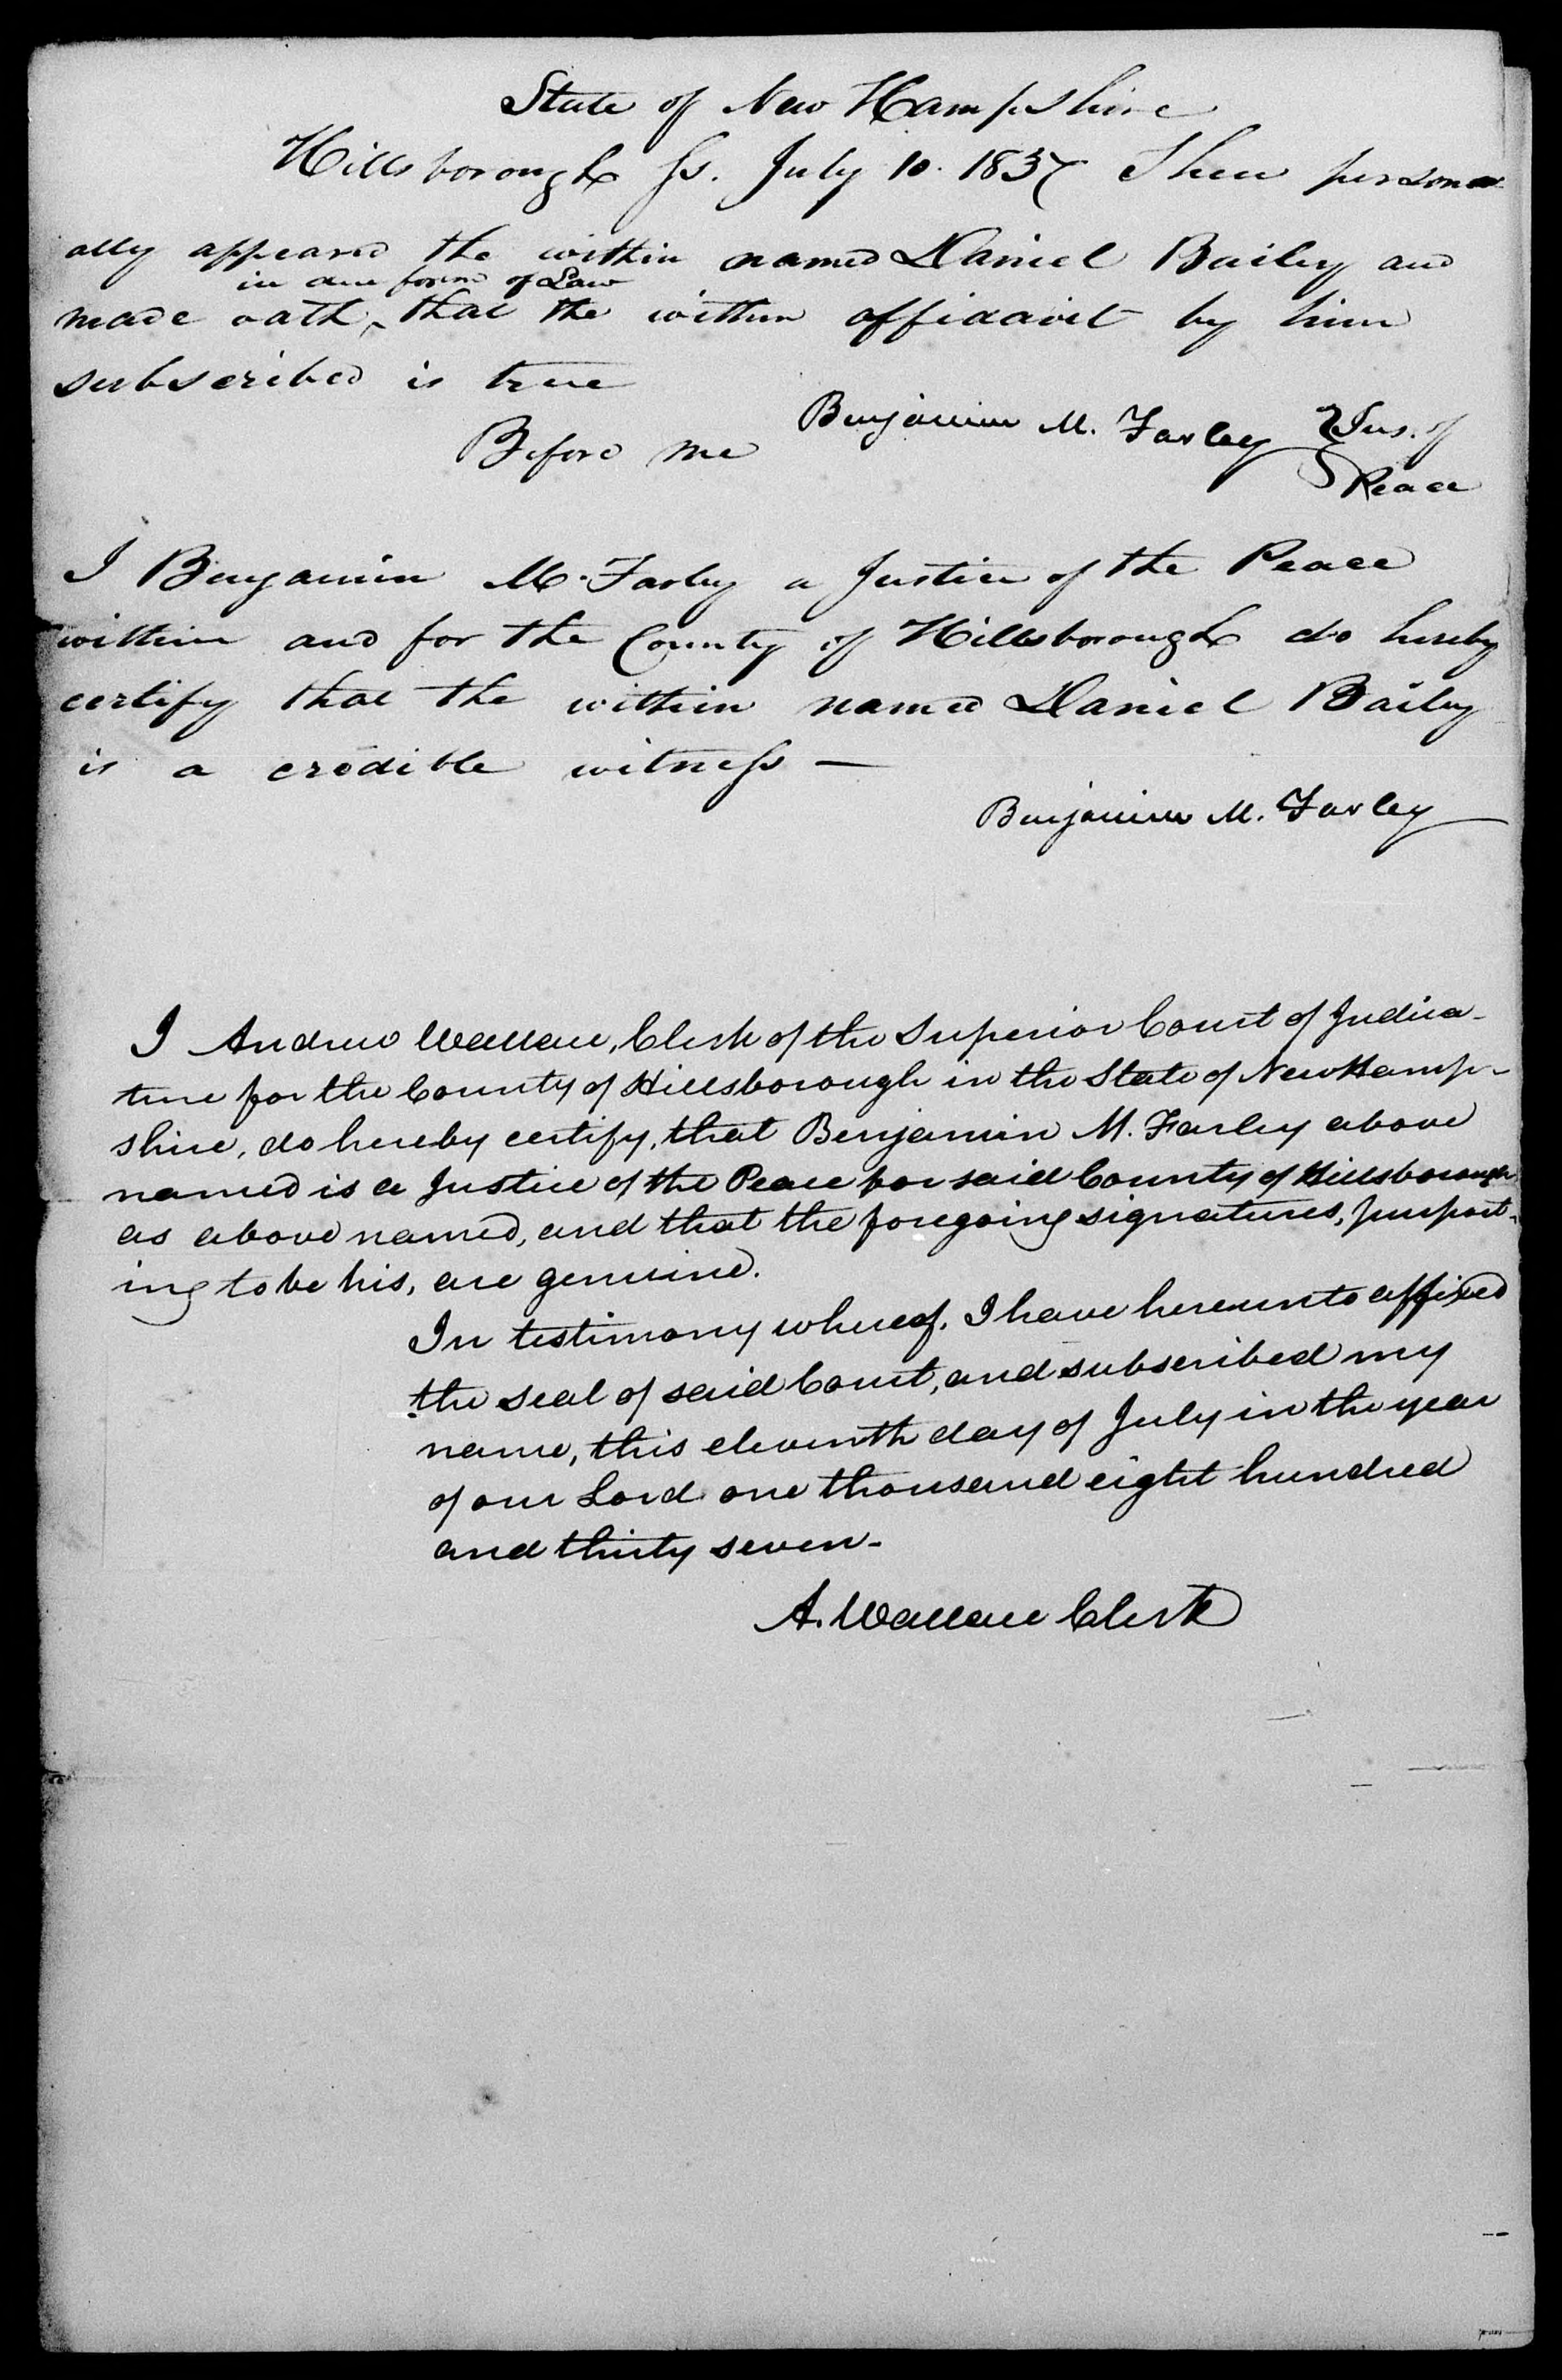State of New Hampshire
Hillsborough Co fs.   July 10, 1837

Then personally appeared the within named Daniel Bailey and made oath in due form of Law that the within affidavit by him subscribed is true
Before me
Benjamin M. Farley  Jus. of Peace

I Benjamin M. Farley a Justice of the Peace within and for the County of Hillsborough do hereby certify that the within named Daniel Bailey is a credible witnefs--
Benjamin M. Farley

I Andrew Wallace, Clerk of the Superior Court of Judicature for the County of Hillsborough in the State of New Hampshire, do hereby certify that Benjamin M. Farley above named is a Justice of the Peace for said County of Hillsborough as above named, and that the foregoing signatures, purporting to be his, are genuine.

In testimony whereof, I have hereunto affixed the seal of said Court, and subscribed my name, this eleventh day of July in the year of our Lord one thousand eight hundred and thirty seven--
A. Wallace   Clerk

[illegible seal affixed to the left of the above paragraph]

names: Benjamin M Farley, A Wallace, Daniel Bailey, Benjamin M Farley, Andrew Wallace, Benjamin M Farley, Daniel Bailey, Benjamin M Farley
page: 17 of 18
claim: widow's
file: W. 21,147, Nehemiah French, Mass. Or N.H.